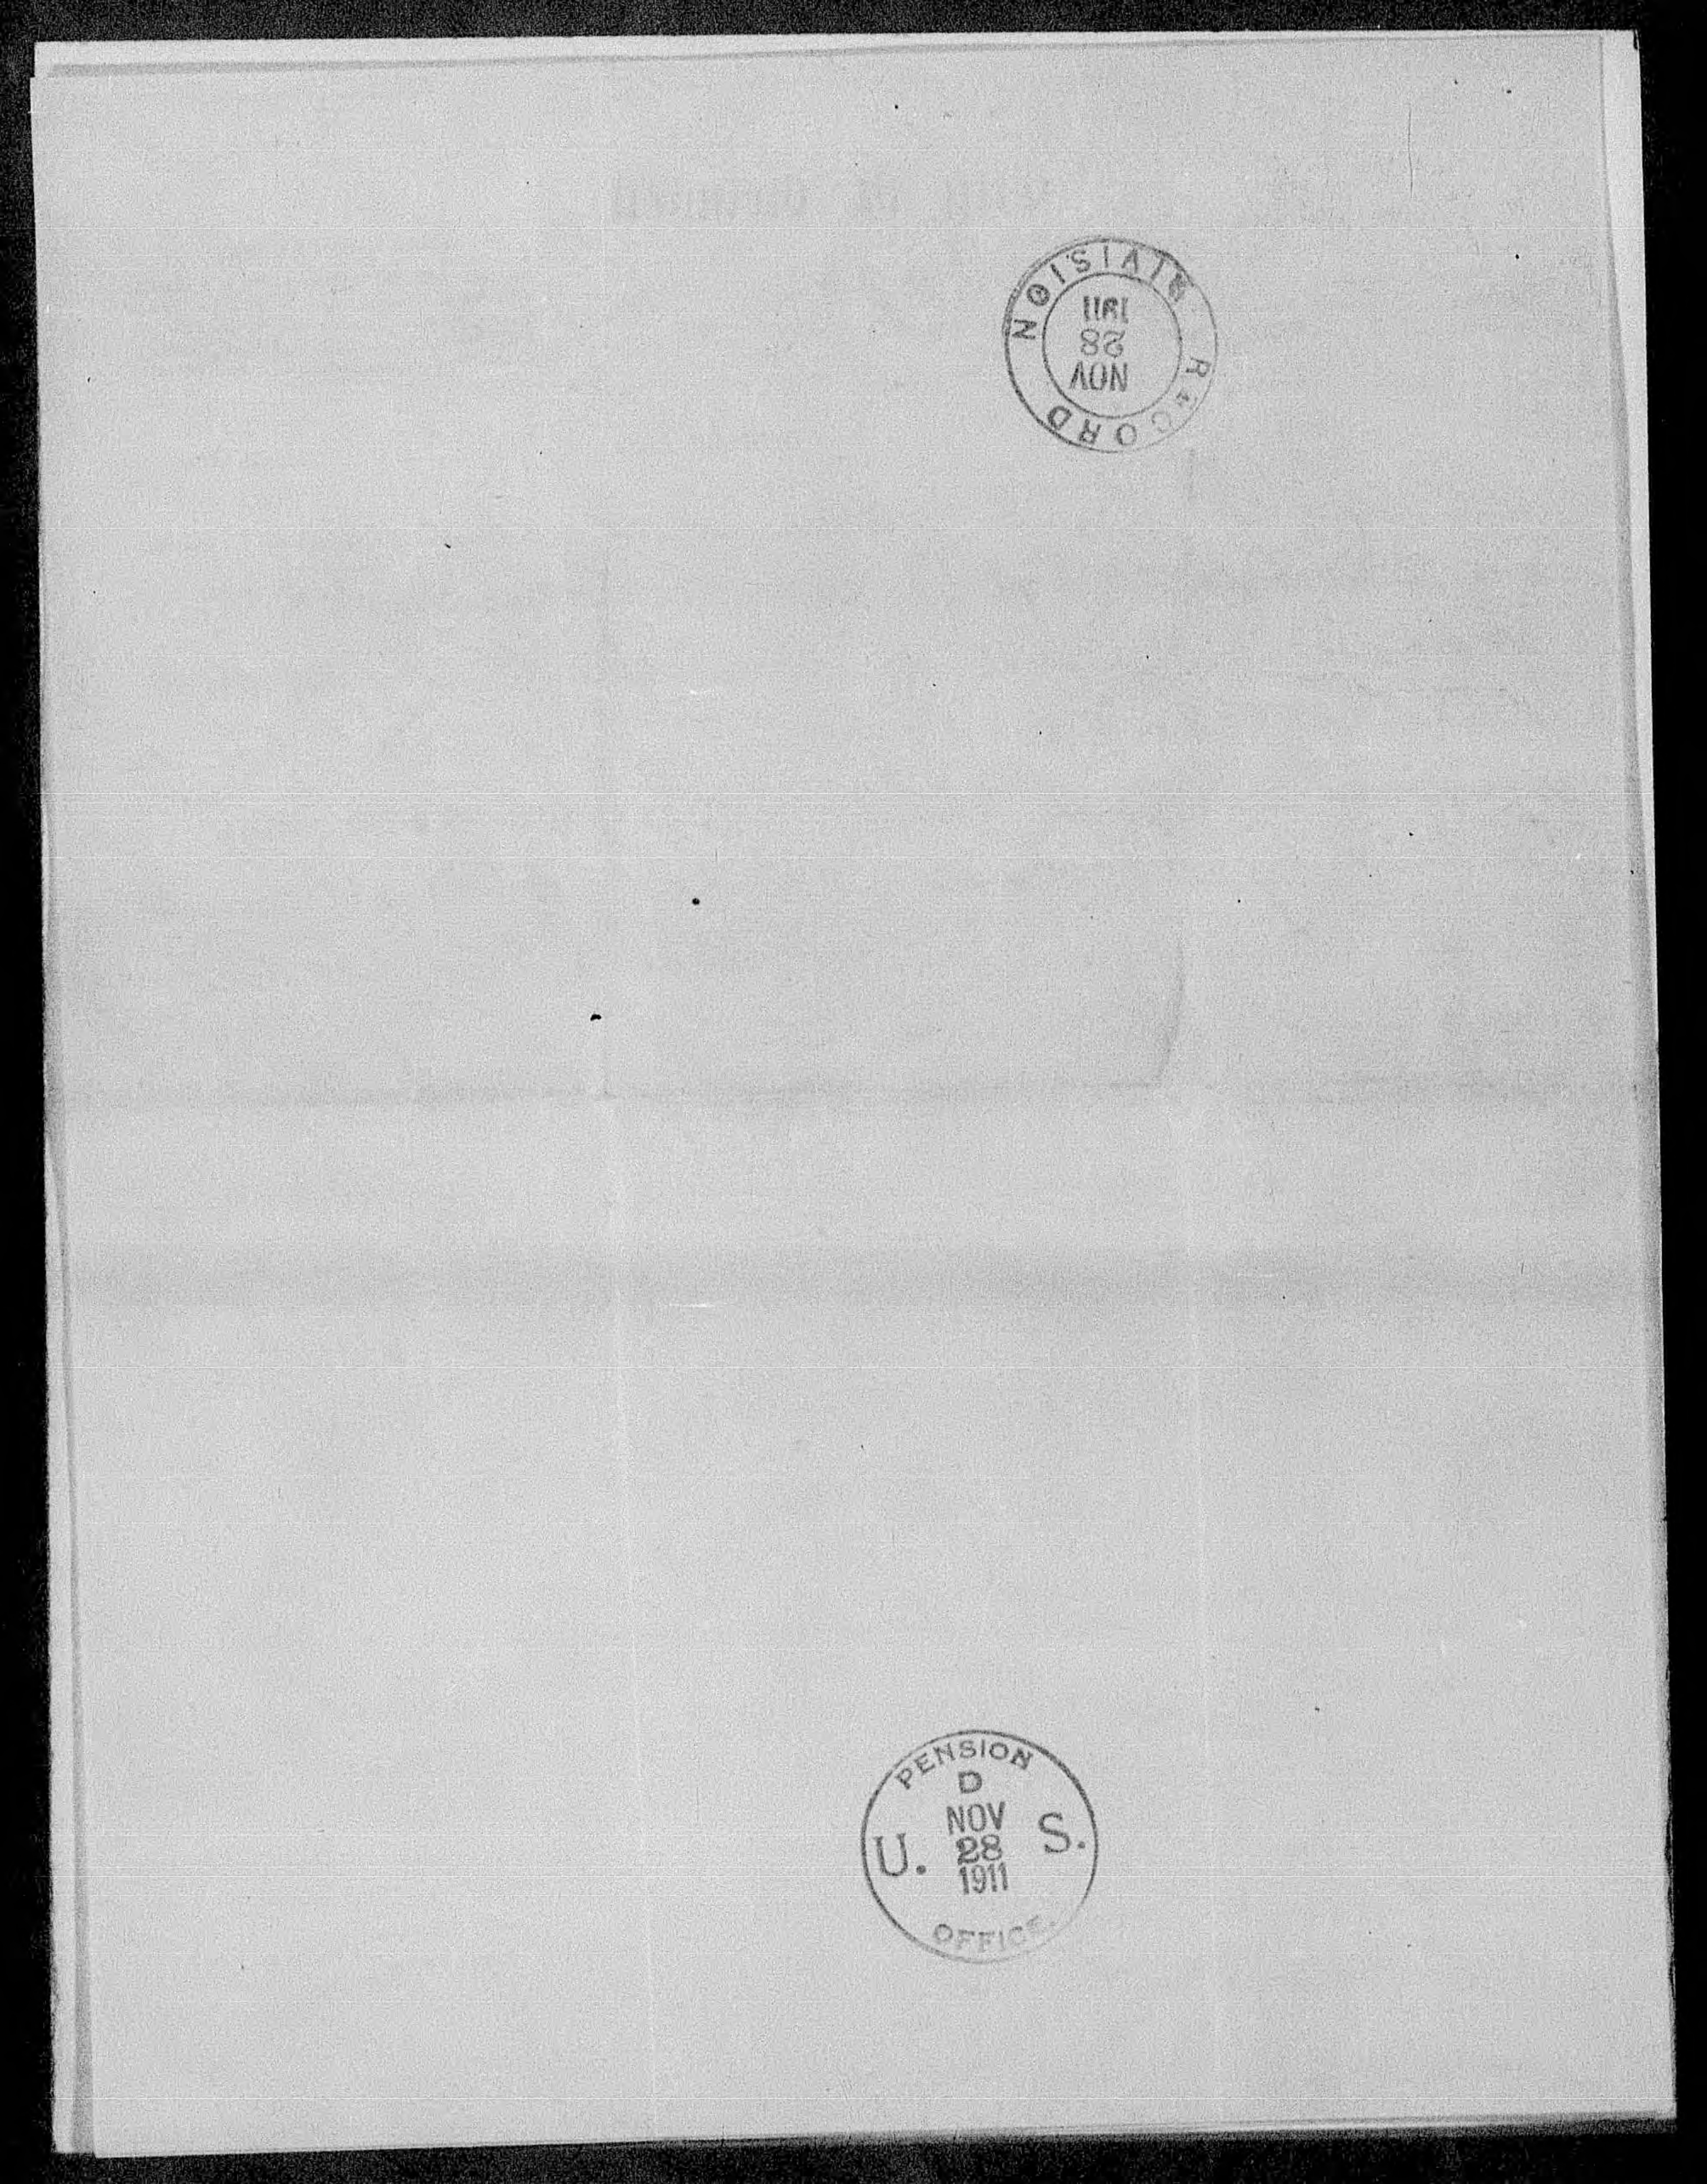(Two Dates Stamps)

RECORD DIVISION
NOV 28 1911

U.S. Pension Office
         D
Nov 28 1911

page: 31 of 33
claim: widow's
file: W. 4681, Josiah Gibbs, Mass